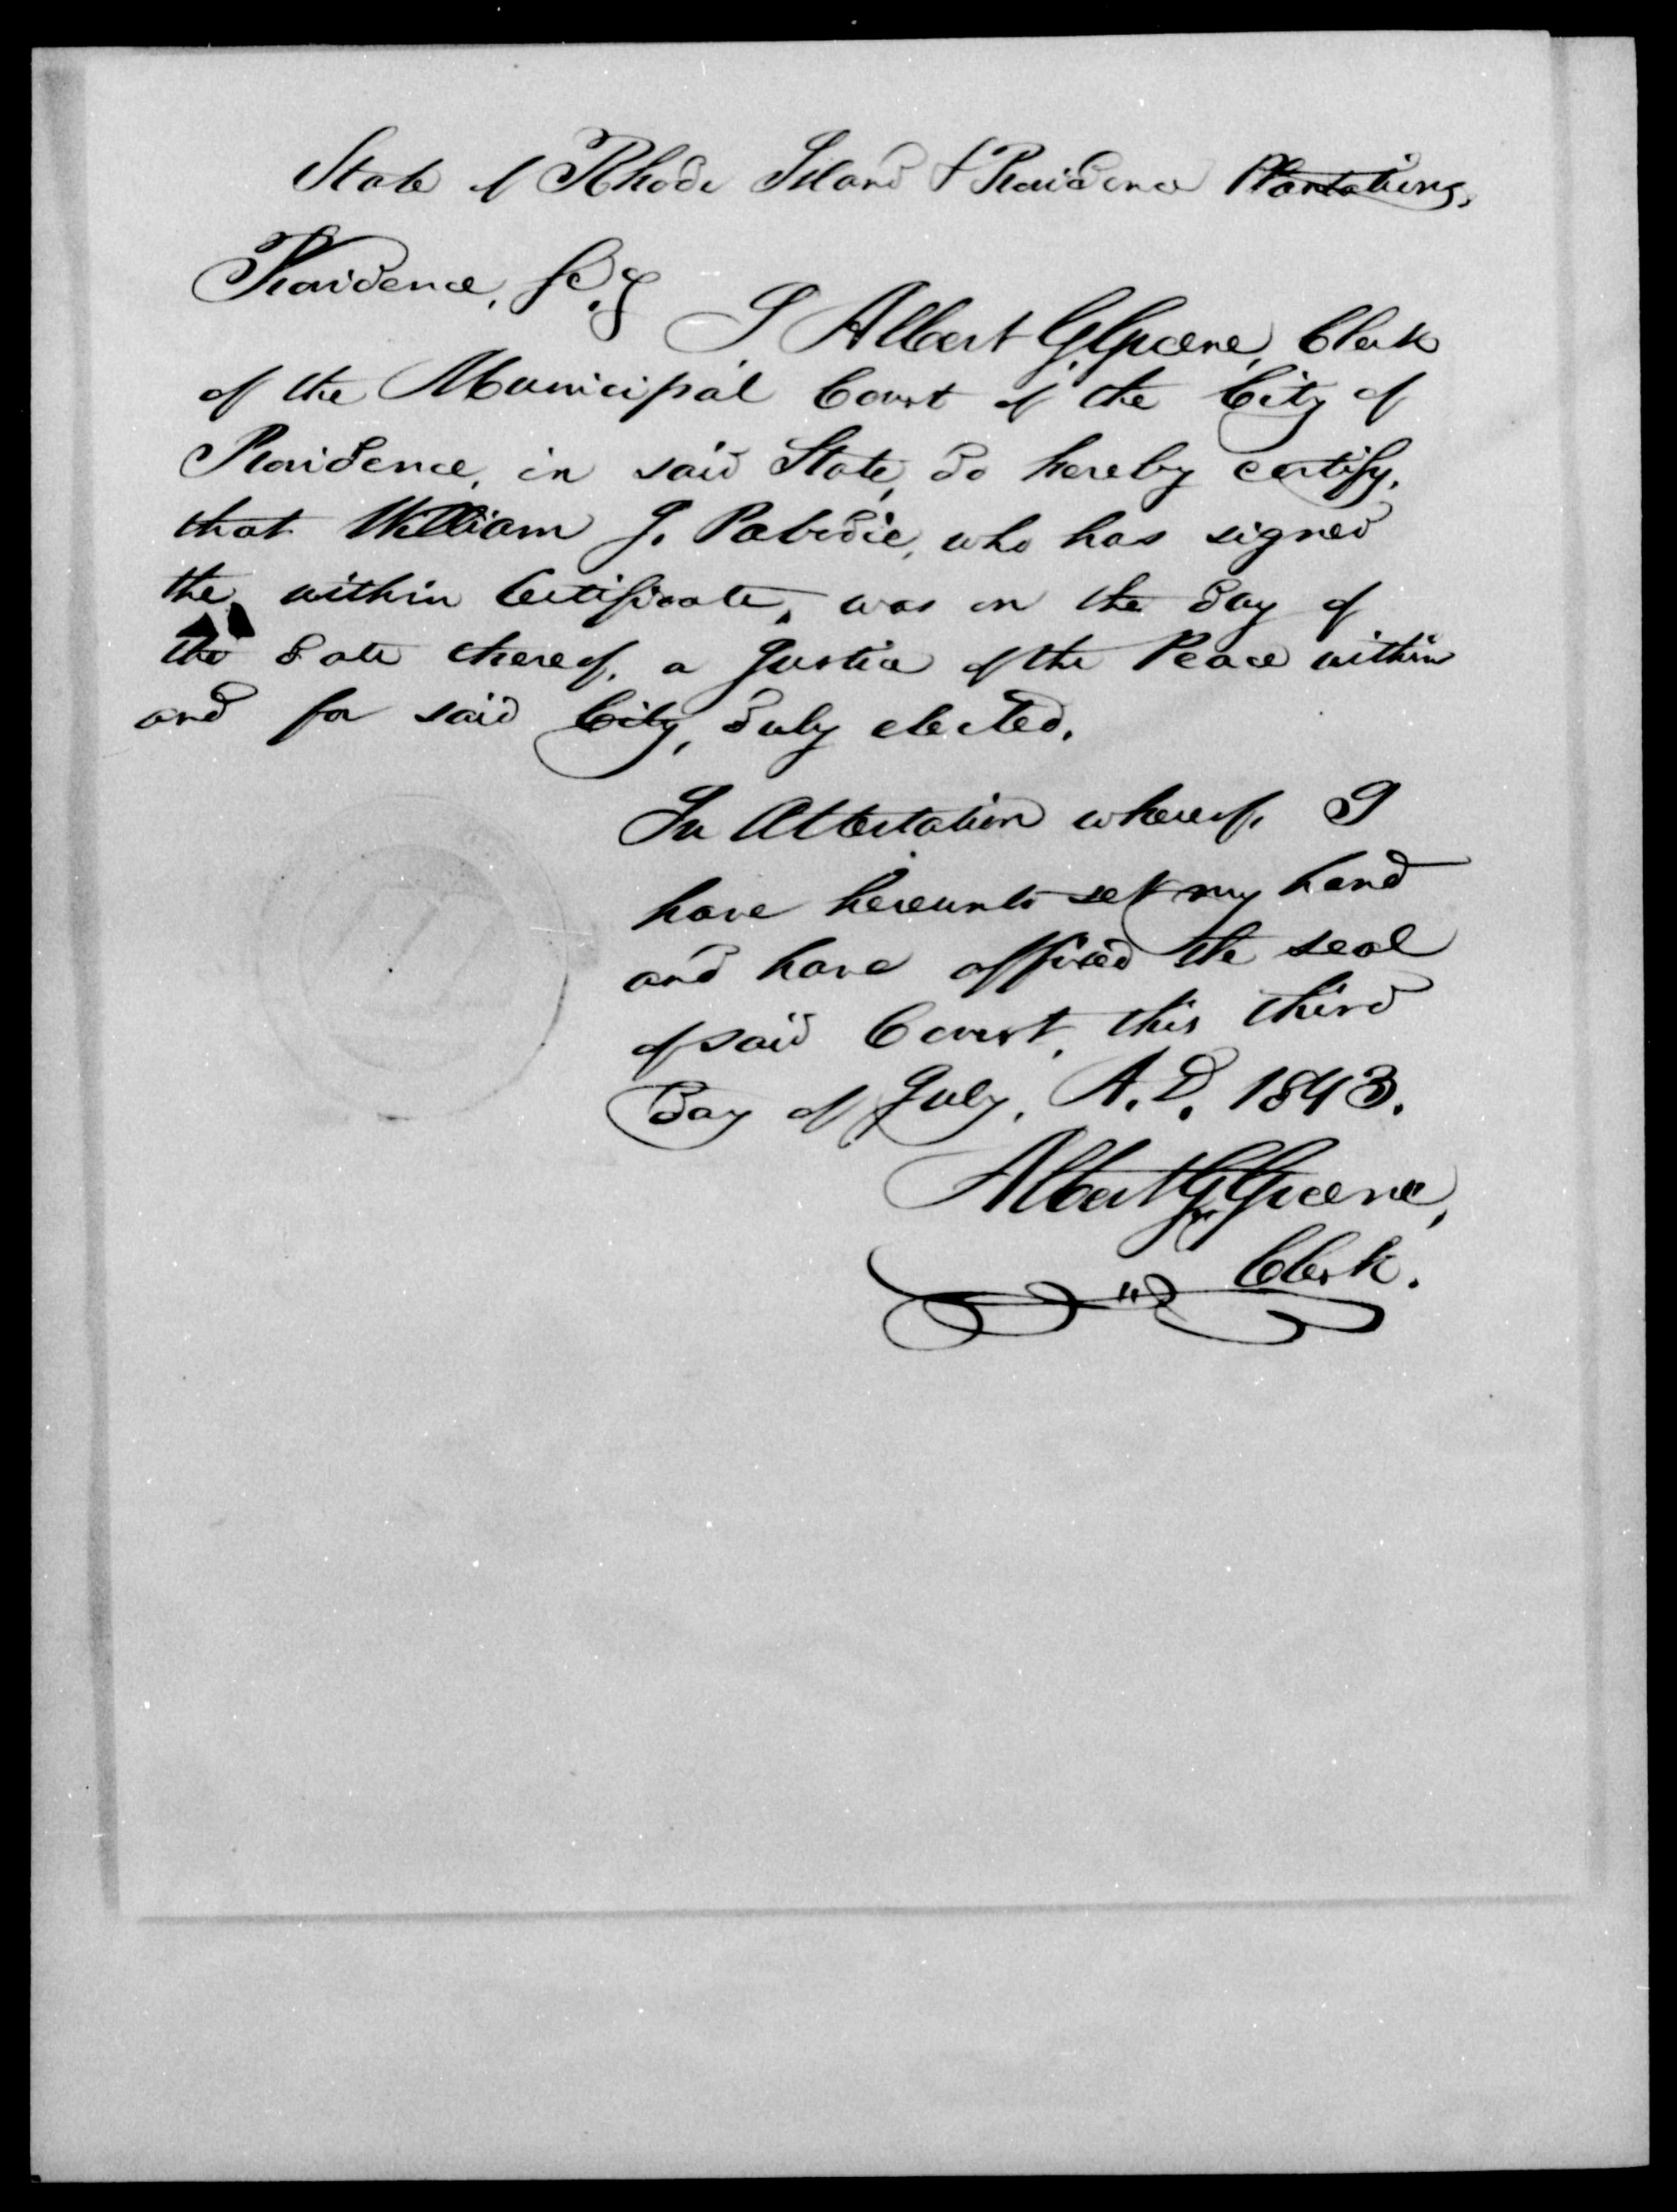State of Rhode Island & Providence Plantations
Providence, R. I.
I Albert G Greene, Clerk
of the Municipal Court of the City of
Providence in said State, do hereby certify
that William J. Pabodie, who has signed
the within Certificate, was on the day of
the date thereof, a Justice of the Peace within
and for said City, duly elected
In Attestation whereof,
have hereunto set my hand
and have affixed the seal
of said Court, this third
day of July, A.D. 1843.
Albert G Greene,
Clerk.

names: Albert G Greene; William J Pabodie; Albert G Greene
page: 48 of 50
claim: widow's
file: W. 22058, for Benjamin Rhodes, Rhode Island